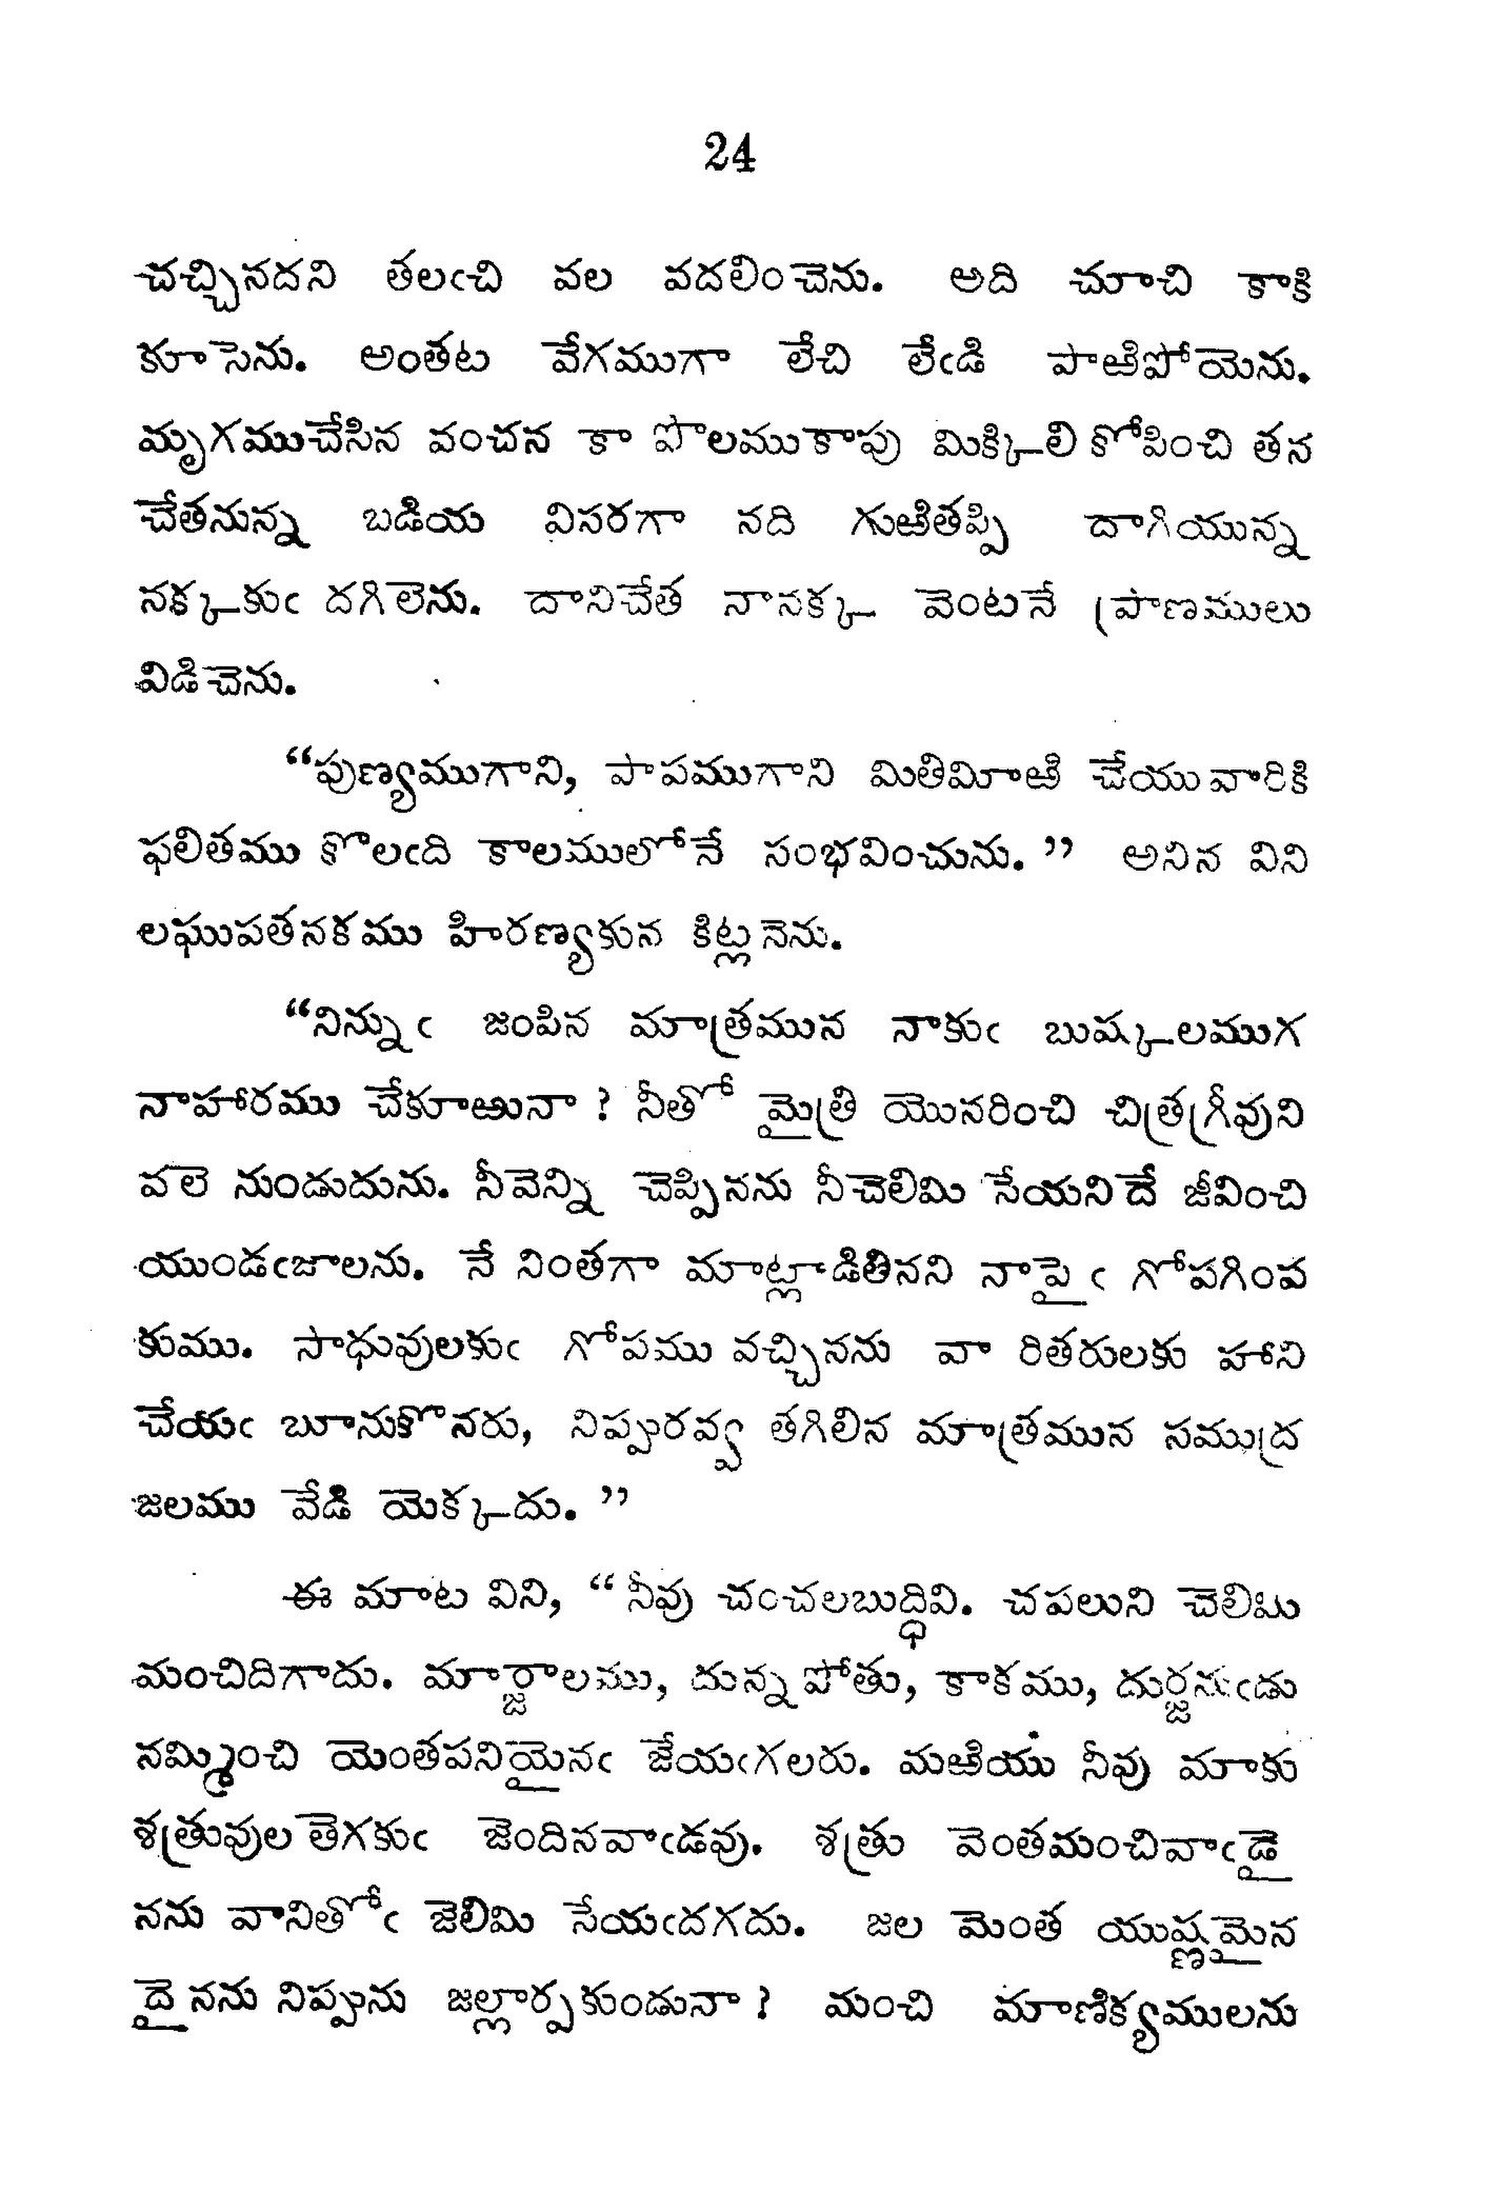చచ్చినదని తలచి వల వదలించెను. అది చూచి కాకి కూసెను. అంతట వేగముగా లేచి లేడి పాఱిపోయెను. మృగముచేసిన వంచన కా పొలముకాపు మిక్కిలికోపించి తన చేతనున్న బడియ విసరగా నది గుఱితప్పి దాగియున్న నక్కకు దగిలెను. దానిచేత నానక్క వెంటనే ప్రాణములు విడిచెను.

"పుణ్యముగాని, పాపముగాని మితిమీఱి చేయువారికి ఫలితము కొలది కాలములోనే సంభవించును." అనిన విని లఘుపతనకము హిరణ్యకున కిట్లనెను.

"నిన్ను జంపిన మాత్రమున నాకు బుష్కలముగ నాహారము చేకూఱునా? నీతో మైత్రి యొనరించి చిత్రగ్రీవుని వలె నుండుదును. నీవెన్ని చెప్పినను నీ చెలిమి సేయనిదే జీవించి యుండజాలను. నే నింతగా మాట్లాడితినని నాపై గోపగింపకుము. సాధువులకు గోపము వచ్చినను వా రితరులకు హానిచేయ బూనుకొనరు, నిప్పురవ్వ తగిలిన మాత్రమున సముద్రజలము వేడి యెక్కదు."

ఈ మాట విని, "నీవు చంచలబుద్దివి. చపలుని చెలిమి మంచిదిగాదు. మార్జాలము, దున్నపోతు, కాకము, దుర్జనుడు నమ్మించి యెంతపనియైన జేయగలరు. మఱియు నీవు మాకు శత్రువుల తెగకు జెందినవాడవు. శత్రు వెంతమంచివాడైనను వానితో జెలిమి సేయదగదు. జల మెంత యుష్ణమైనదైనను నిప్పును జల్లార్పకుండునా? మంచి మాణిక్యములను